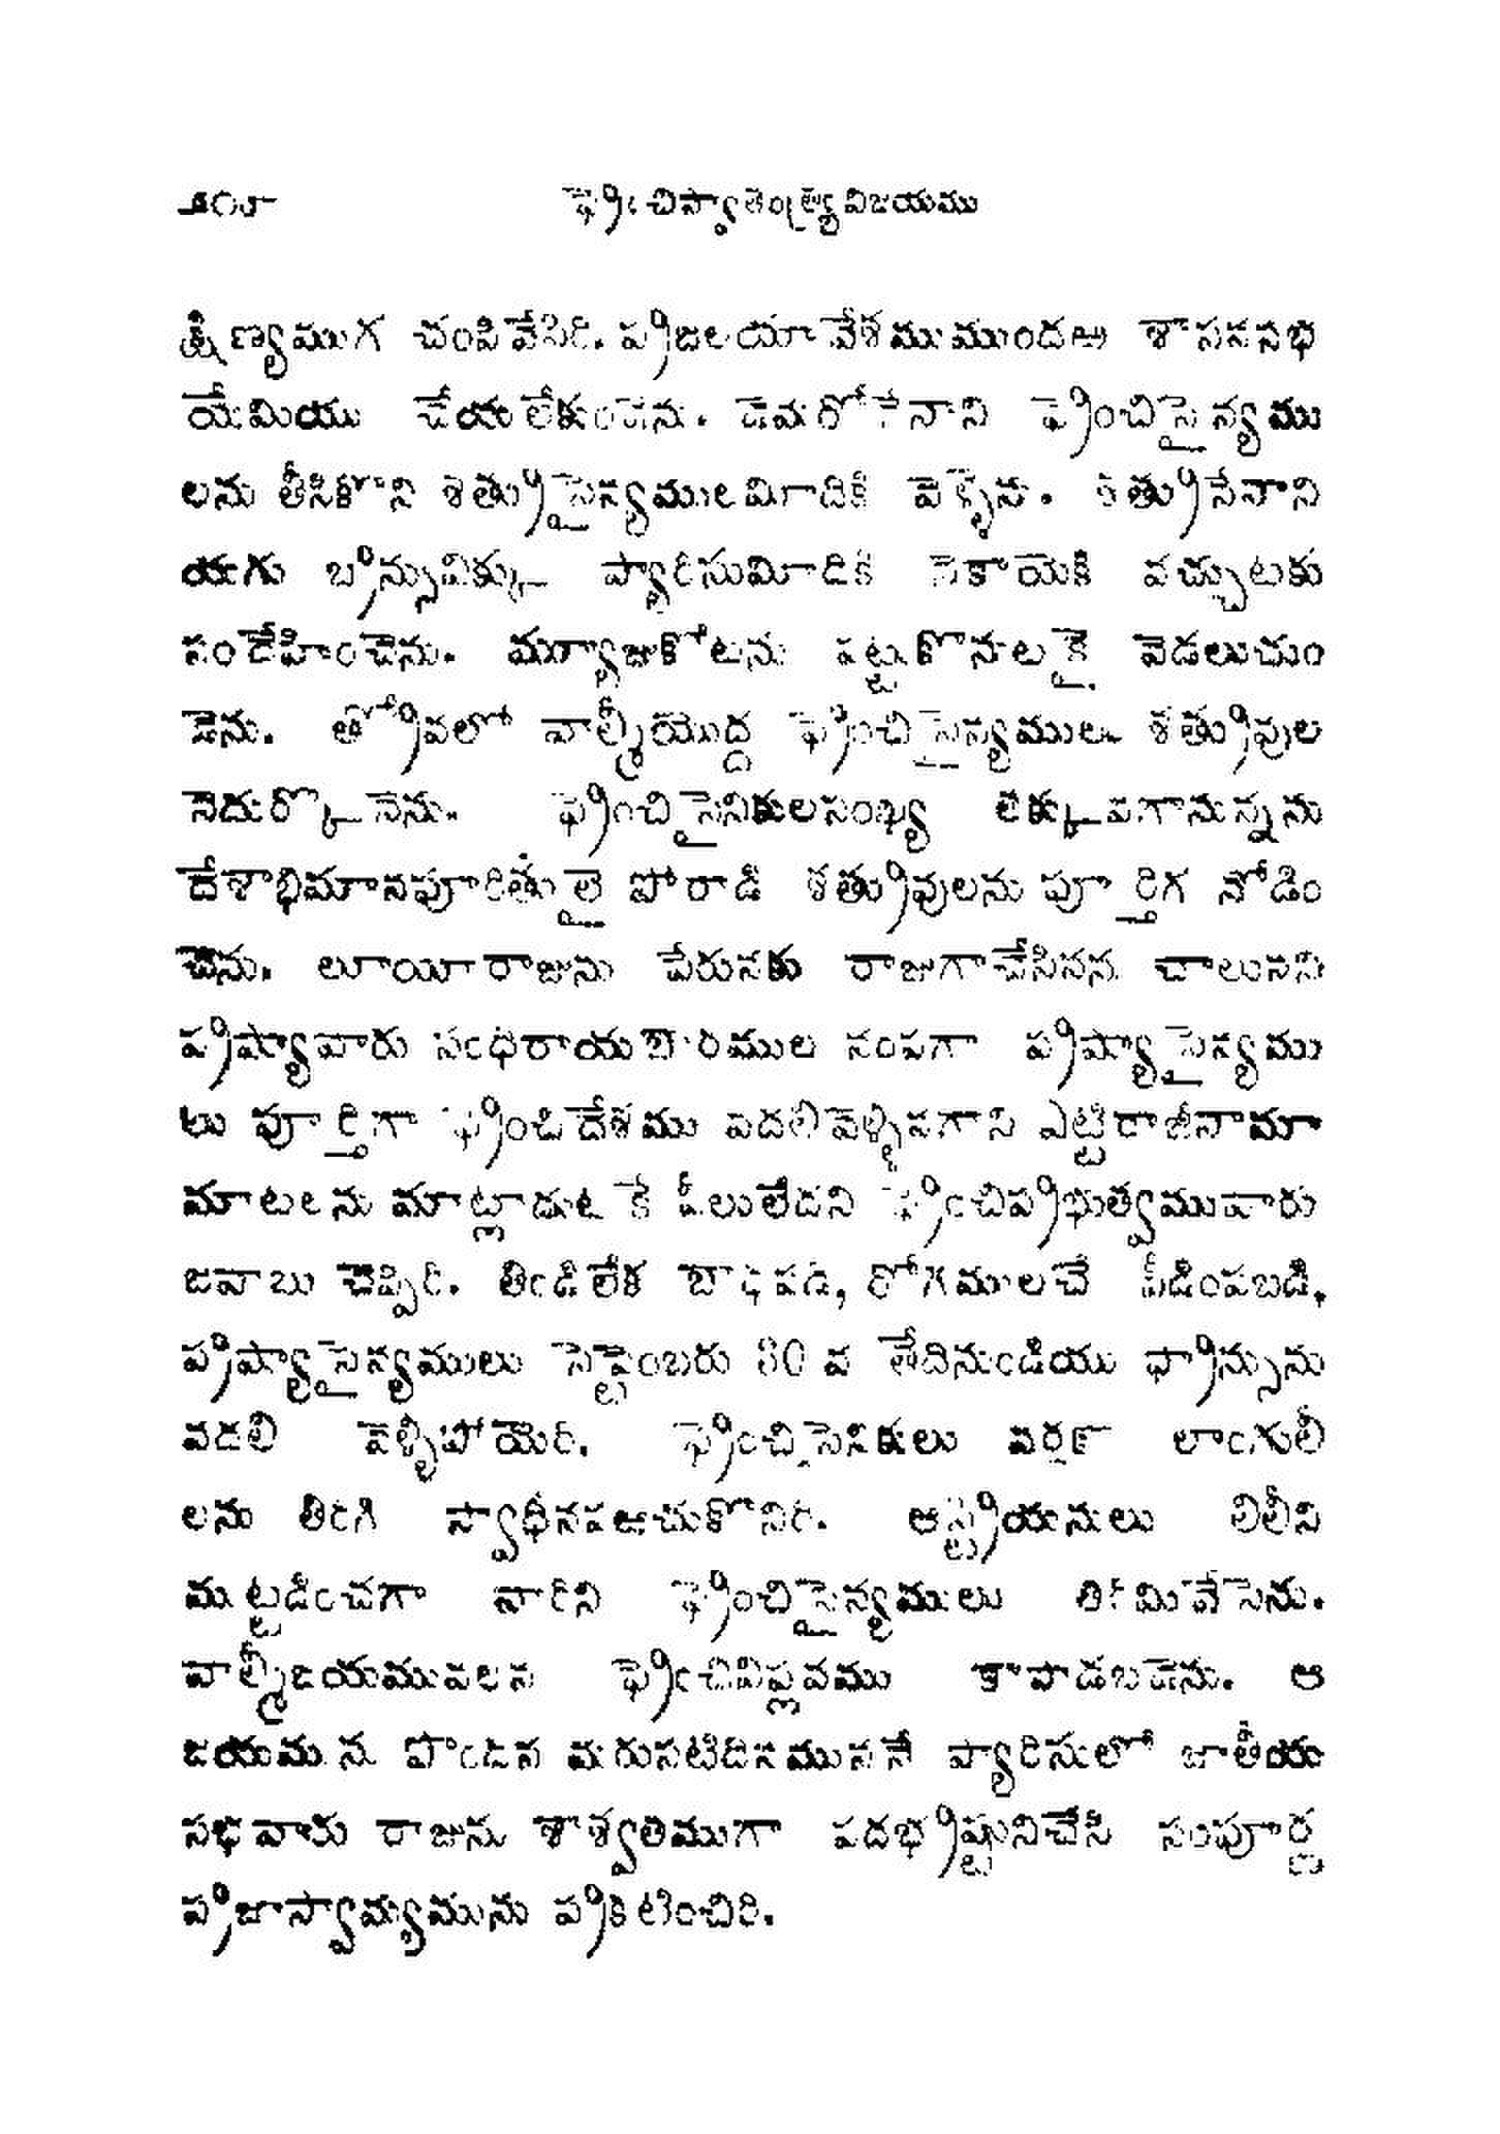క్షిణ్యముగ చంపి వేసి.. ప్రజల యావేశము ముందఱ శాసనసభ
యేమియు చేయు లేకుండెను . డెమరో సేనాని ఫ్రెంచి సైన్యము
లను తీసికొని శత్రు సైన్యము. మీదికి వెళ్ళెను . శత్రు సేనాని
యగు బ్రన్సువిక్కు ప్యారీసుమీదికి నెకాయెకి వచ్చుటకు
సందేహించెను. మ్యూజులకోటను పట్టుకొనుటకై వెడలుచుం
డెను. త్రోవలో వాల్మీయొద్ద ప్రెంచి సైన్యములు శత్తృవుల
నెదుర్కొనెను.ఫ్రెంచి సైనికుల సంఖ్య తక్కువగానున్నను
దేశాభిమాసపూరితు లై పోరాడి శత్రువులను పూర్తిగ నోడిం
చెను. లూయీ రాజును పేరునకు రాజుగా చేసినన చాలునని
ప్రష్యా వారు సంధి రాయబారముల సంపగా ప్రష్యా సైన్యము
లు పూర్తిగా ఫ్రెంచి దేశము పదలి వెళ్ళినగాని ఎట్టి రాజీనామా
మాటలను మాట్లాడుటకే వీలు లేదని ఫ్రెంచి ముప్రభుత్వము వారు
జవాబు చెప్పిరి.. తిండి లేక బాద పడి, రోగములచే పీడింపబడి,
ప్రష్యా సైన్యములు సెప్టెంబరు 30 వ తేది నుండియు ఫ్రాన్సును
వడలి వెళ్ళిపోయిరి. ఫ్రెంచి సైనికులు వర్డన్ లాంగులీని స్వాధీనం పచుకొనిరి. ఆస్ట్రియనులు చిలీని ముట్టడించగా వారిని ఫ్రెంచి సైన్యములు తరిమి వేసెను.
వాల్మీభయము వలన ఫ్రెంచి విప్లవము కాపాడబడెను.
ఆ జయమను పొందిన మరుసటిదినమున నే ప్యారిసులో జాతీయ 
సభ వారు రాజును శాశ్వతముగా పదభష్టునిచేసి సంపూర్ణ
ప్రజాస్వామ్యమును ప్రకటించిరి,